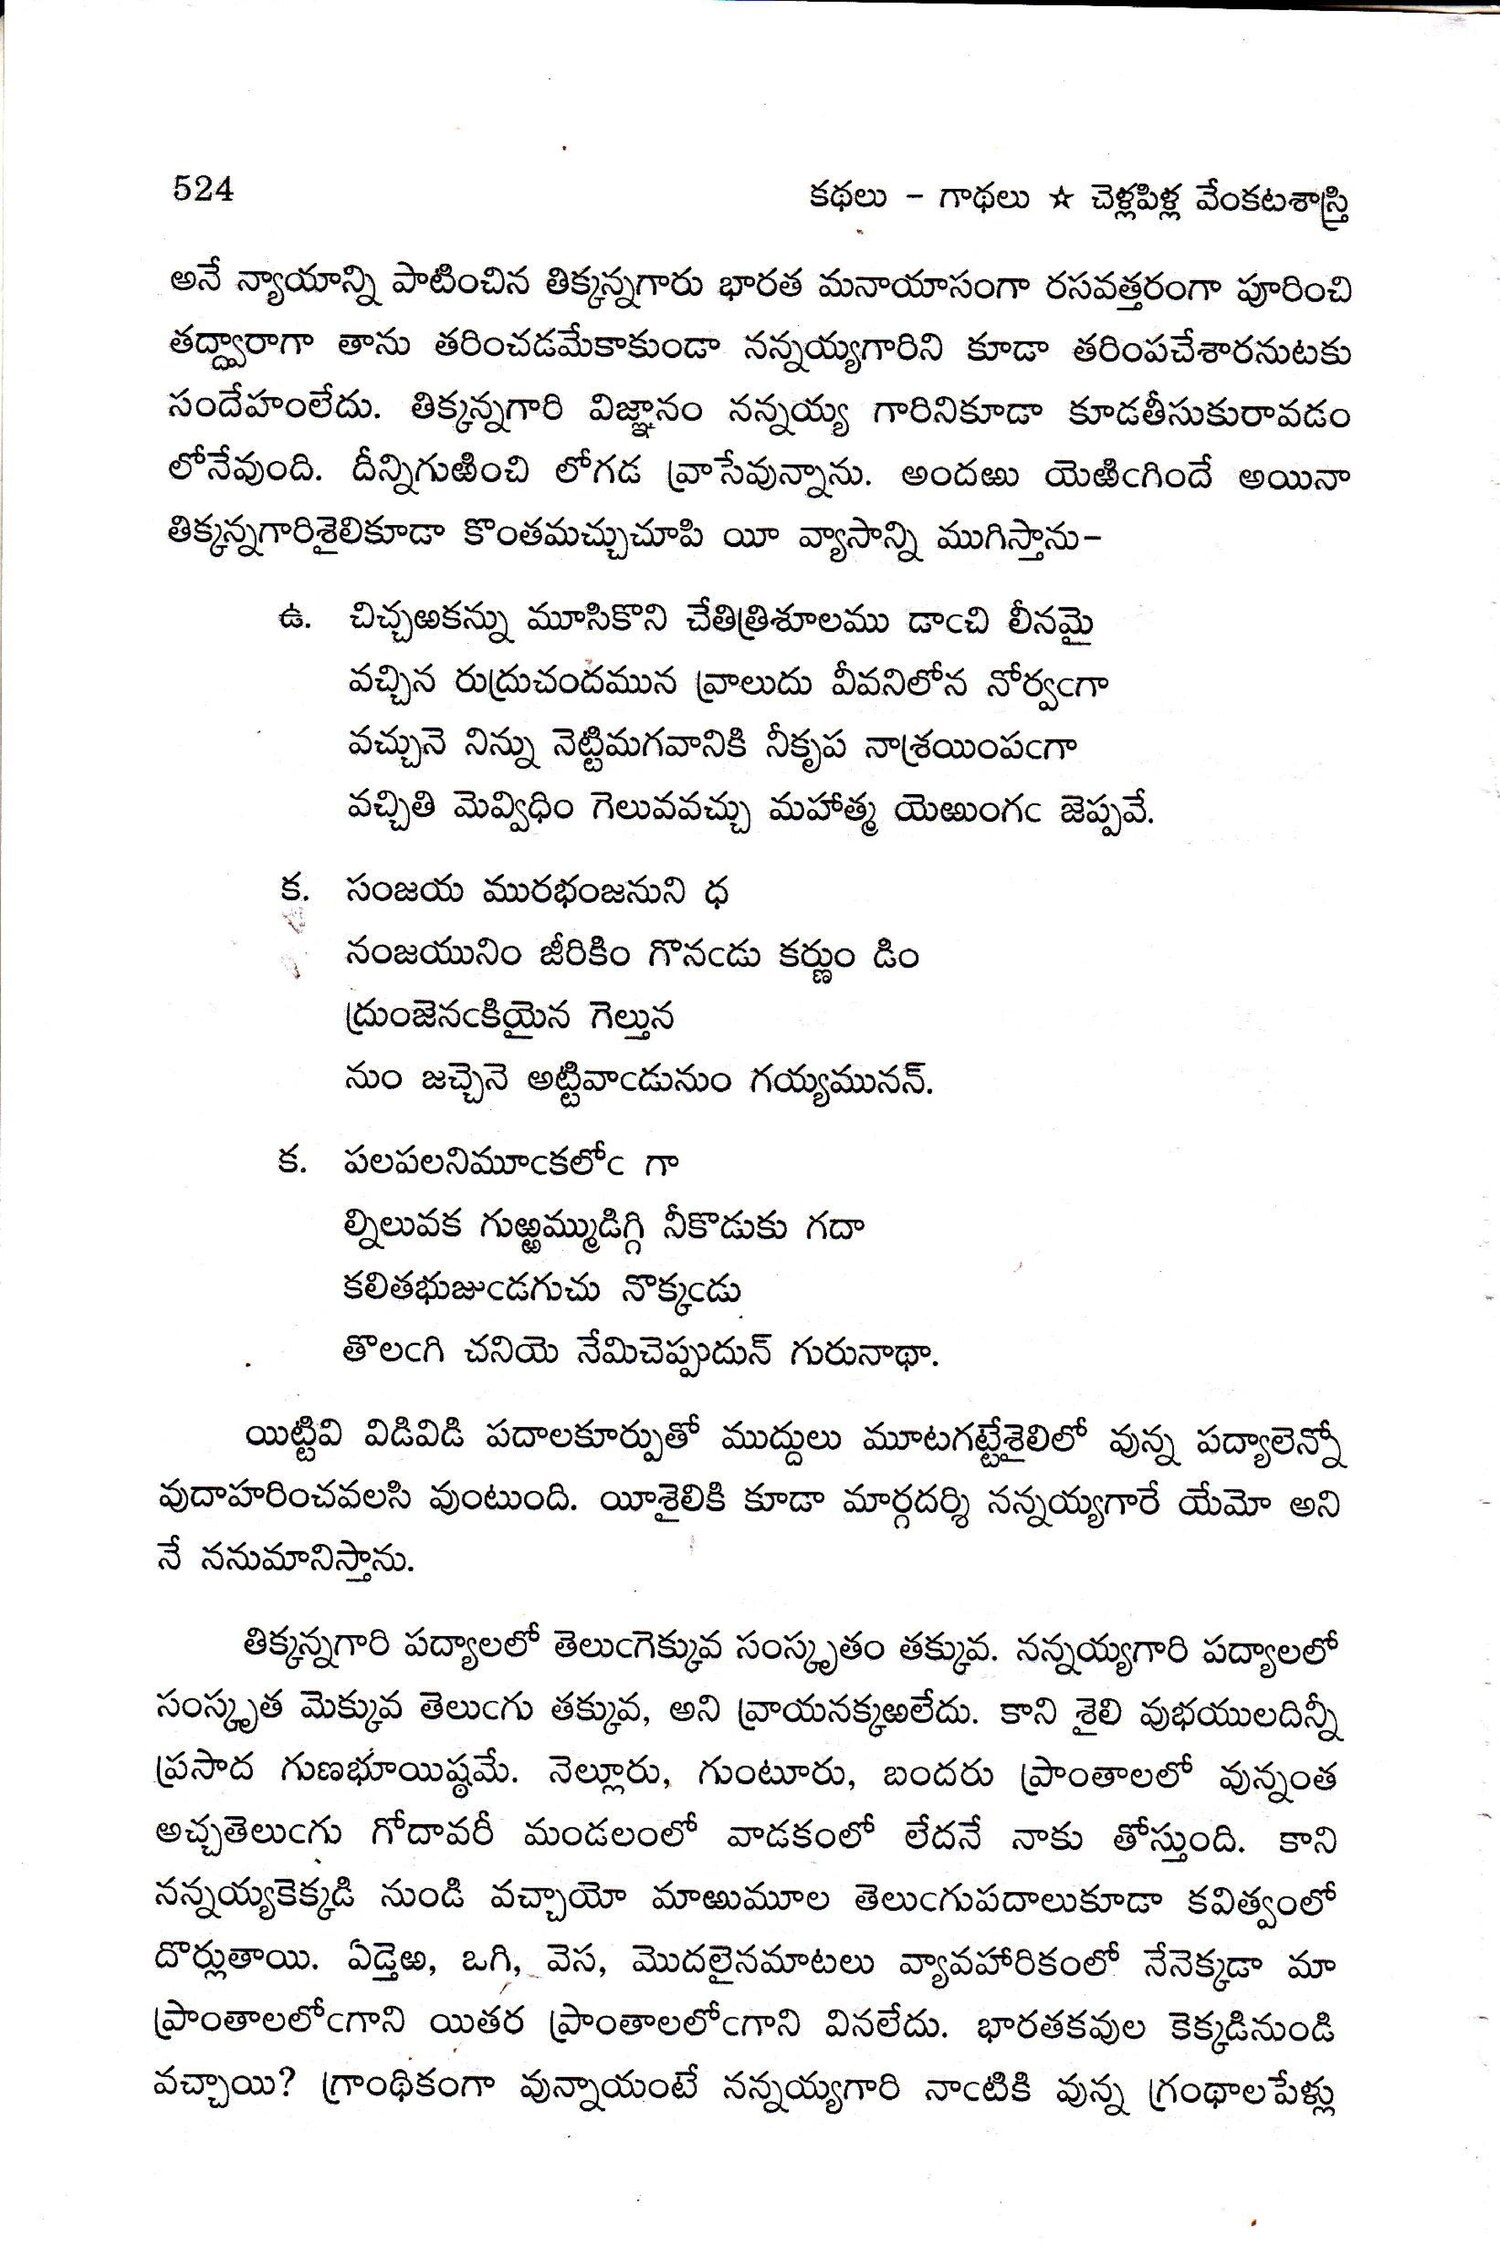అనే న్యాయాన్ని పాటించిన తిక్కన్నగారు భారత మనాయాసంగా రసవత్తరంగా పూరించి తద్ద్వారాగా తాను తరించడమేకాకుండా నన్నయ్యగారిని కూడా తరింపచేశారనుటకు సందేహంలేదు. తిక్కన్నగారి విజ్ఞానం నన్నయ్య గారినికూడా కూడతీసుకురావడం లోనేవుంది. దీన్నిగుఱించి లోగడ వ్రాసేవున్నాను. అందఱు యెఱిఁగిందే అయినా తిక్కన్నగారిశైలికూడా కొంతమచ్చుచూపి యీ వ్యాసాన్ని ముగిస్తాను-

ఉ. చిచ్చఱకన్ను మూసికొని చేతిత్రిశూలము డాఁచి లీనమై
 వచ్చిన రుద్రుచందమున వ్రాలుదు వీవనిలోన నోర్వఁగా 
 వచ్చునె నిన్ను నెట్టిమగవానికి నీకృప నాశ్రయింపఁగా 
 వచ్చితి మెవ్విధిం గెలువవచ్చు మహాత్మ యెఱుంగఁ జెప్పవే,

క. సంజయ మురభంజనుని ధ
 నంజయునిం జీరికిం గొనఁడు కర్ణుం డిం 
 ద్రుంజెనఁకియైన గెల్లున 
 నుం జచ్చెనె అట్టివాఁడునుం గయ్యమునన్.

క. పలపలనిమూఁకలోఁ గా
 ల్నిలువక గుఱ్ఱమ్ముడిగ్గి నీకొడుకు గదా 
 కలితభుజుఁడగుచు నొక్కఁడు 
 తొలఁగి చనియె నేమిచెప్పుదున్ గురునాథా,
యిట్టివి విడివిడి పదాలకూర్పుతో ముద్దులు మూటగట్టేశైలిలో వున్న పద్యాలెన్నో వుదాహరించవలసి వుంటుంది. యీశైలికి కూడా మార్గదర్శి నన్నయ్యగారే యేమో అని నే ననుమానిస్తాను.

తిక్కన్నగారి పద్యాలలో తెలుఁగెక్కువ సంస్కృతం తక్కువ. నన్నయ్యగారి పద్యాలలో సంస్కృత మెక్కువ తెలుఁగు తక్కువ, అని వ్రాయనక్కఱలేదు. కాని శైలి వుభయులదిన్నీ ప్రసాద గుణభూయిష్టమే. నెల్లూరు, గుంటూరు, బందరు ప్రాంతాలలో వున్నంత అచ్చతెలుఁగు గోదావరీ మండలంలో వాడకంలో లేదనే నాకు తోస్తుంది. కాని నన్నయ్యకెక్కడి నుండి వచ్చాయో మాఱుమూల తెలుఁగుపదాలుకూడా కవిత్వంలో దొర్లుతాయి. ఏడైఱ, ఒగి, వెస, మొదలైనమూటలు వ్యావహారికంలో నేనెక్కడా మా ప్రాంతాలలోcగాని యితర ప్రాంతాలలోఁగాని వినలేదు. భారతకవుల కెక్కడినుండి వచ్చాయి? గ్రాంథికంగా వున్నాయంటే నన్నయ్యగారి నాఁటికి వున్న గ్రంథాలపేళ్లు